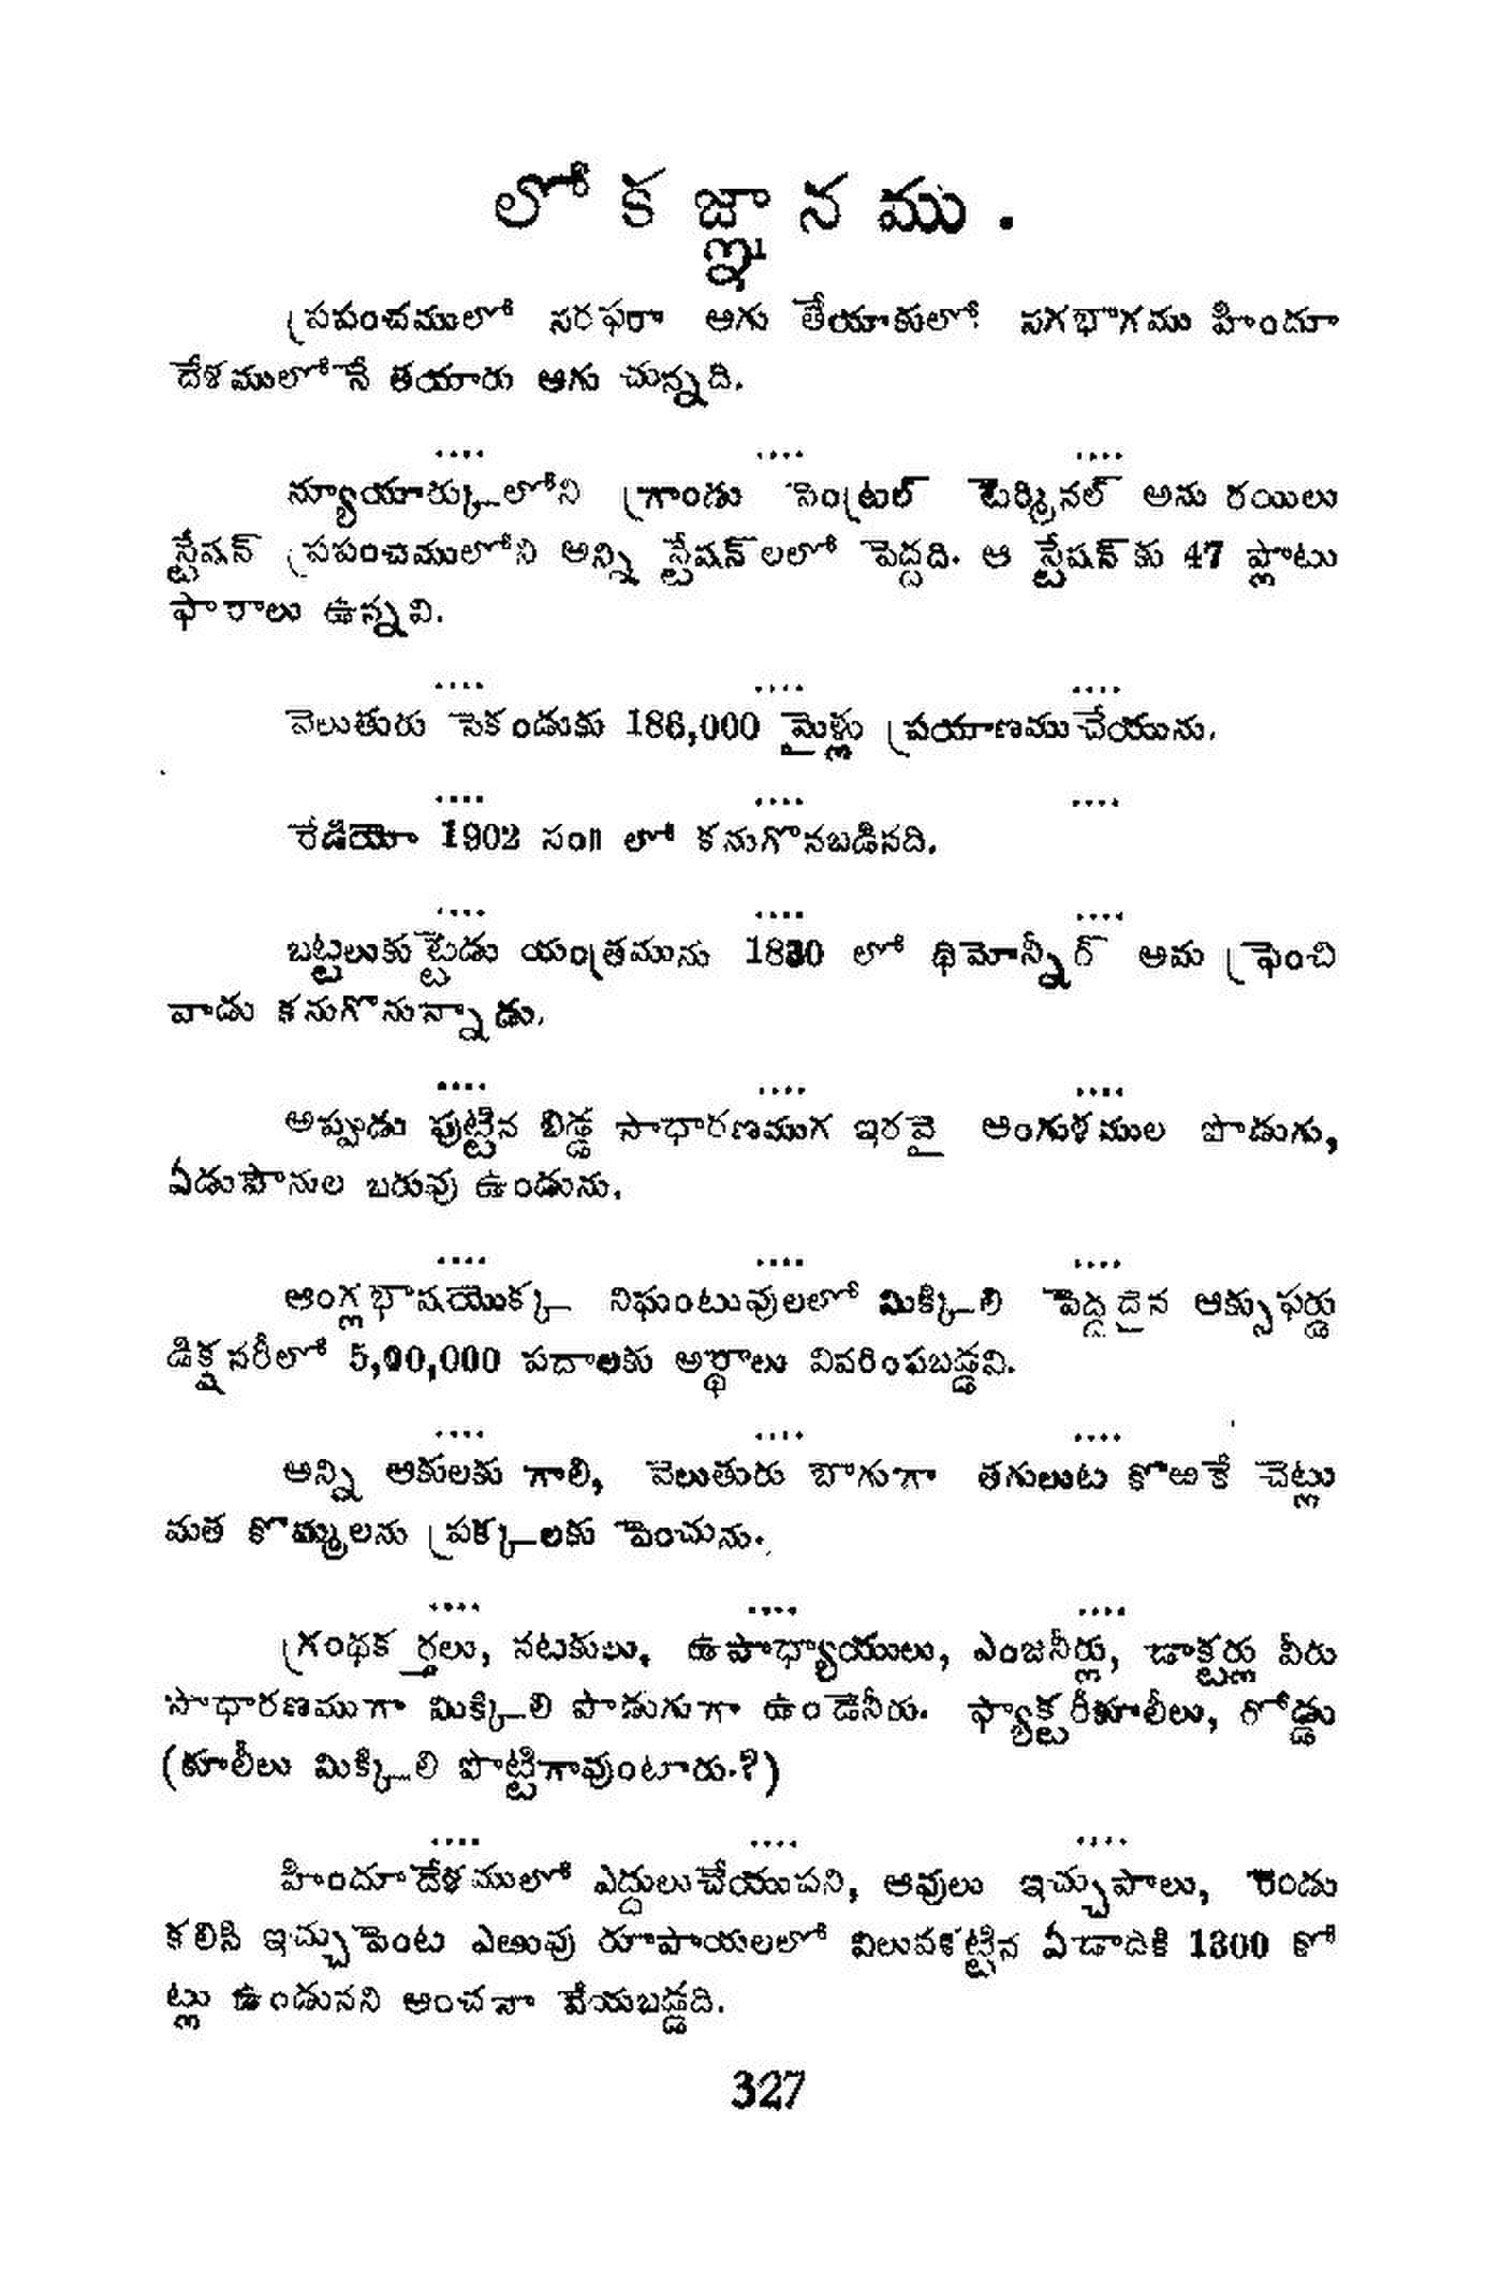లో క జ్ఞా న ము;
 ప్రపంచములో సరఫరా అగు తేయాకులో సగభారము హిందూదేశములోనే తయారు అగు చున్నది.
 .... .... ....
 న్యూయార్కులోని గ్రాండు సెంట్రల్ టెర్మినల్ అను రయిలు స్టేషన్ ప్రపంచము లోని అన్ని స్టేషన్ లలో పెద్దది. ఆ స్టేషన్ కు 47 ప్లాటుఫారాలు ఉన్నవి.
 .... .... ....
 వెలుతురు సెకండుకు 186,000 మైళ్లు ప్రయాణము చేయును.
 .... .... ....
 రేడియో 1902 సం|| లో కనుగొనబడింది.
 .... ..... .....
 బట్టలుకుట్టెడు యంత్రమును 1830 లో ధిమోన్నీర్ అన్ ఫ్రెంచివాడు కనుగొన్నాడు.
 .... .... .....
 అప్పుడు పుట్టిన బిడ్డ సాధారణముగ ఇరవై అంగుళముల పొడుగు, ఏడుపౌనుల బరువు ఉండును.
 ..... ..... .....
 ఆంగ్లభాషయొక్క నిఘంటువులలో మిక్కిలి ఎద్దదైన ఆక్సుపర్డు డిక్షనరీలో 5,90,000 పదాలకు అర్ధాలు వివరింపబడ్డవి.
 ..... ..... .....
 అన్ని ఆకులకు గాలి, వెలుతురు బాగుగా తగులుట కొఱకే చేట్లు తమ కొమ్మలను ప్రక్కలకు పెంచును.
 ...... ..... .....
 గ్రంధకర్తలు, నటకులు, ఉపాధ్యాయులు, ఎజినీర్లు, డాక్టర్లు వీరు సాధారణ ముగా మిక్కిలి పొడుగుగా ఉండెనీరు. ఫ్యాక్టరీకూలీలు, రోడ్డు (కూలీలు మిక్కిలి పొట్టిగావుంటారు.?).
 ..... ..... .....
 హిందూదేశములో ఎద్దులుచేయుపని, ఆవులు ఇచ్చుపాలు, రెండు కలిసి ఇచ్చుపెంట ఎఱువు రూపాయ్లలో విలువకట్టిన ఏడాదికి 1300 కోట్లు ఉండునని అంచనా వేయబడ్డది.